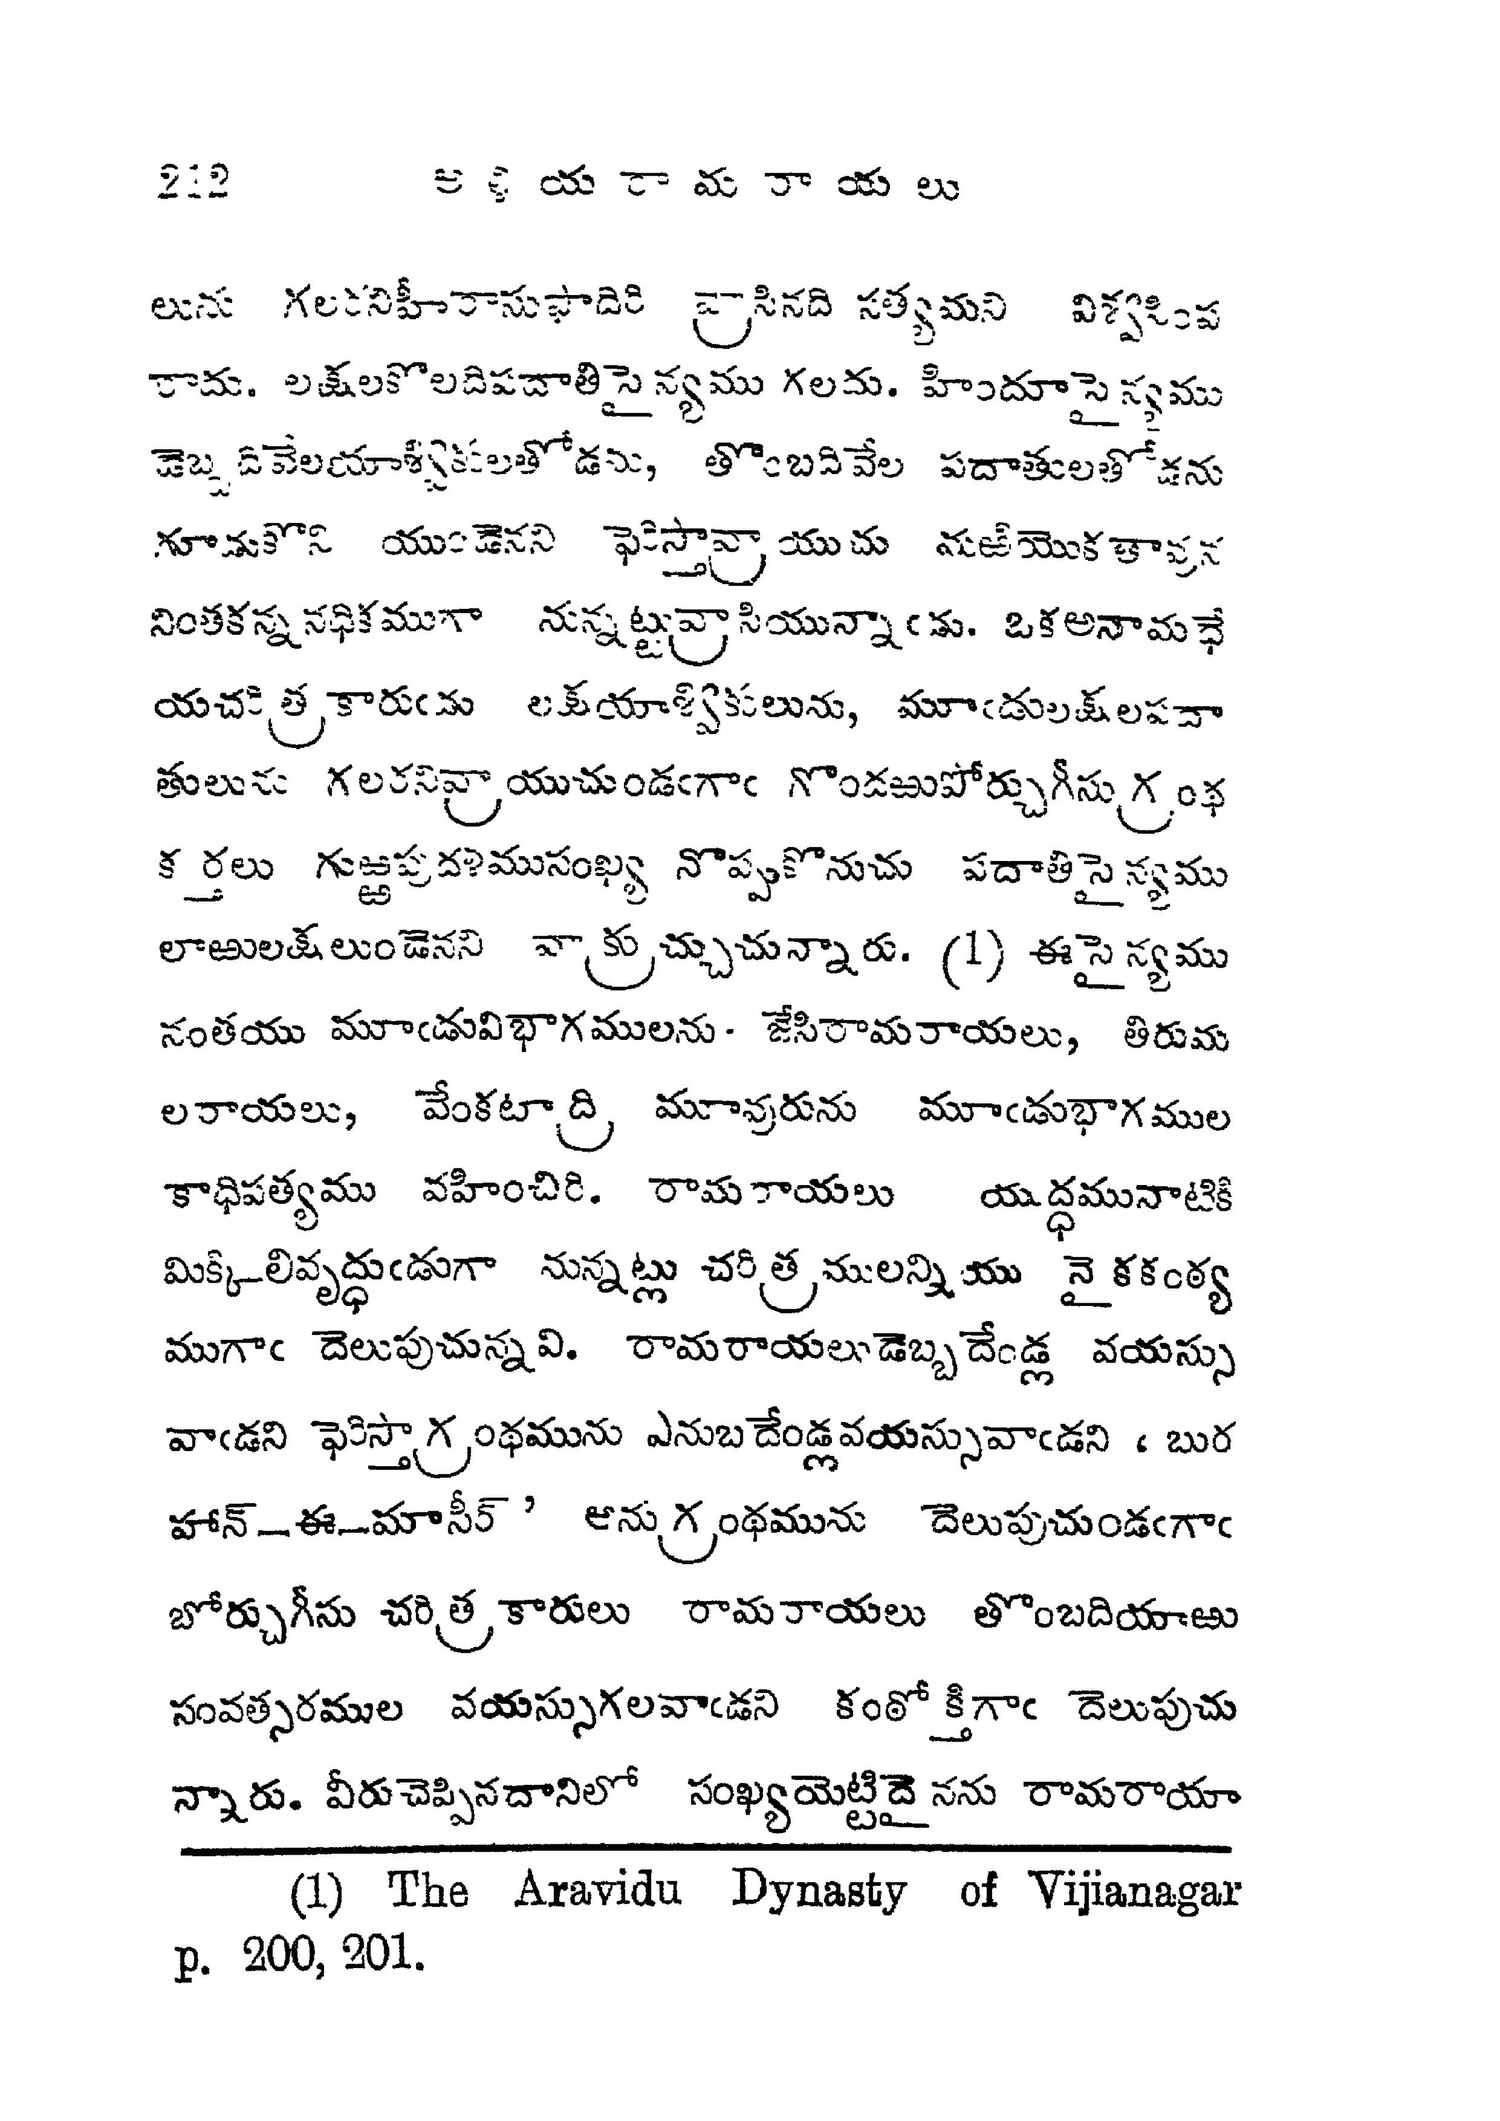లును గలరనిహీరాసుఫాదిరి వ్రాసినది సత్యమని విశ్వసింపరాదు. లక్షలకొలదిపదాతిసైన్యము గలదు. హిందూసైన్యము డెబ్బదివేల యాశ్వికులతోడను, తొంబదివేల పదాతులతోడను గూడుకొని యుండెనని ఫెరిస్తావ్రాయుచు మఱియొకతావున నింతకన్ననధికముగా నున్నట్టువ్రాసియున్నాడు. ఒకఅనామధేయ చరిత్రకారుడు లక్షయాశ్వికులును, మూడులక్షల పదాతులును గలరని వ్రాయుచుండగా గొందఱు పోర్చుగీసు గ్రంథకర్తలు గుఱ్ఱపుదళముసంఖ్య నొప్పుకొనుచు పదాతిసైన్యము లాఱులక్షలుండెనని వాక్రుచ్చుచున్నారు. ఈసైన్యమునంతయు మూడువిభాగములను జేసి రామరాయలు, తిరుమలరాయలు, వేంకటాద్రి మూవురును మూడుభాగముల కాధిపత్యము వహించిరి. రామరాయలు యుద్ధమునాటికి మిక్కిలివృద్ధుడుగా నున్నట్లు చరిత్రములన్నియు నైకకంఠ్యముగా దెలుపుచున్నవి. రామరాయలు డెబ్బదేండ్ల వయస్సు వాడని ఫెరిస్తాగ్రంథమును ఎనుబదేండ్లవయస్సువాడని 'బురహాన్ - ఈ - మాసీర్‌' అనుగ్రంథమును దెలుపుచుండగా బోర్చుగీసు చరిత్రకారులు రామరాయలు తొంబదియాఱు సంవత్సరముల వయస్సుగలవాడని కంఠోక్తిగా దెలుపుచున్నారు. వీరుచెప్పినదానిలో సంఖ్యయెట్టిదైనను రామరాయా